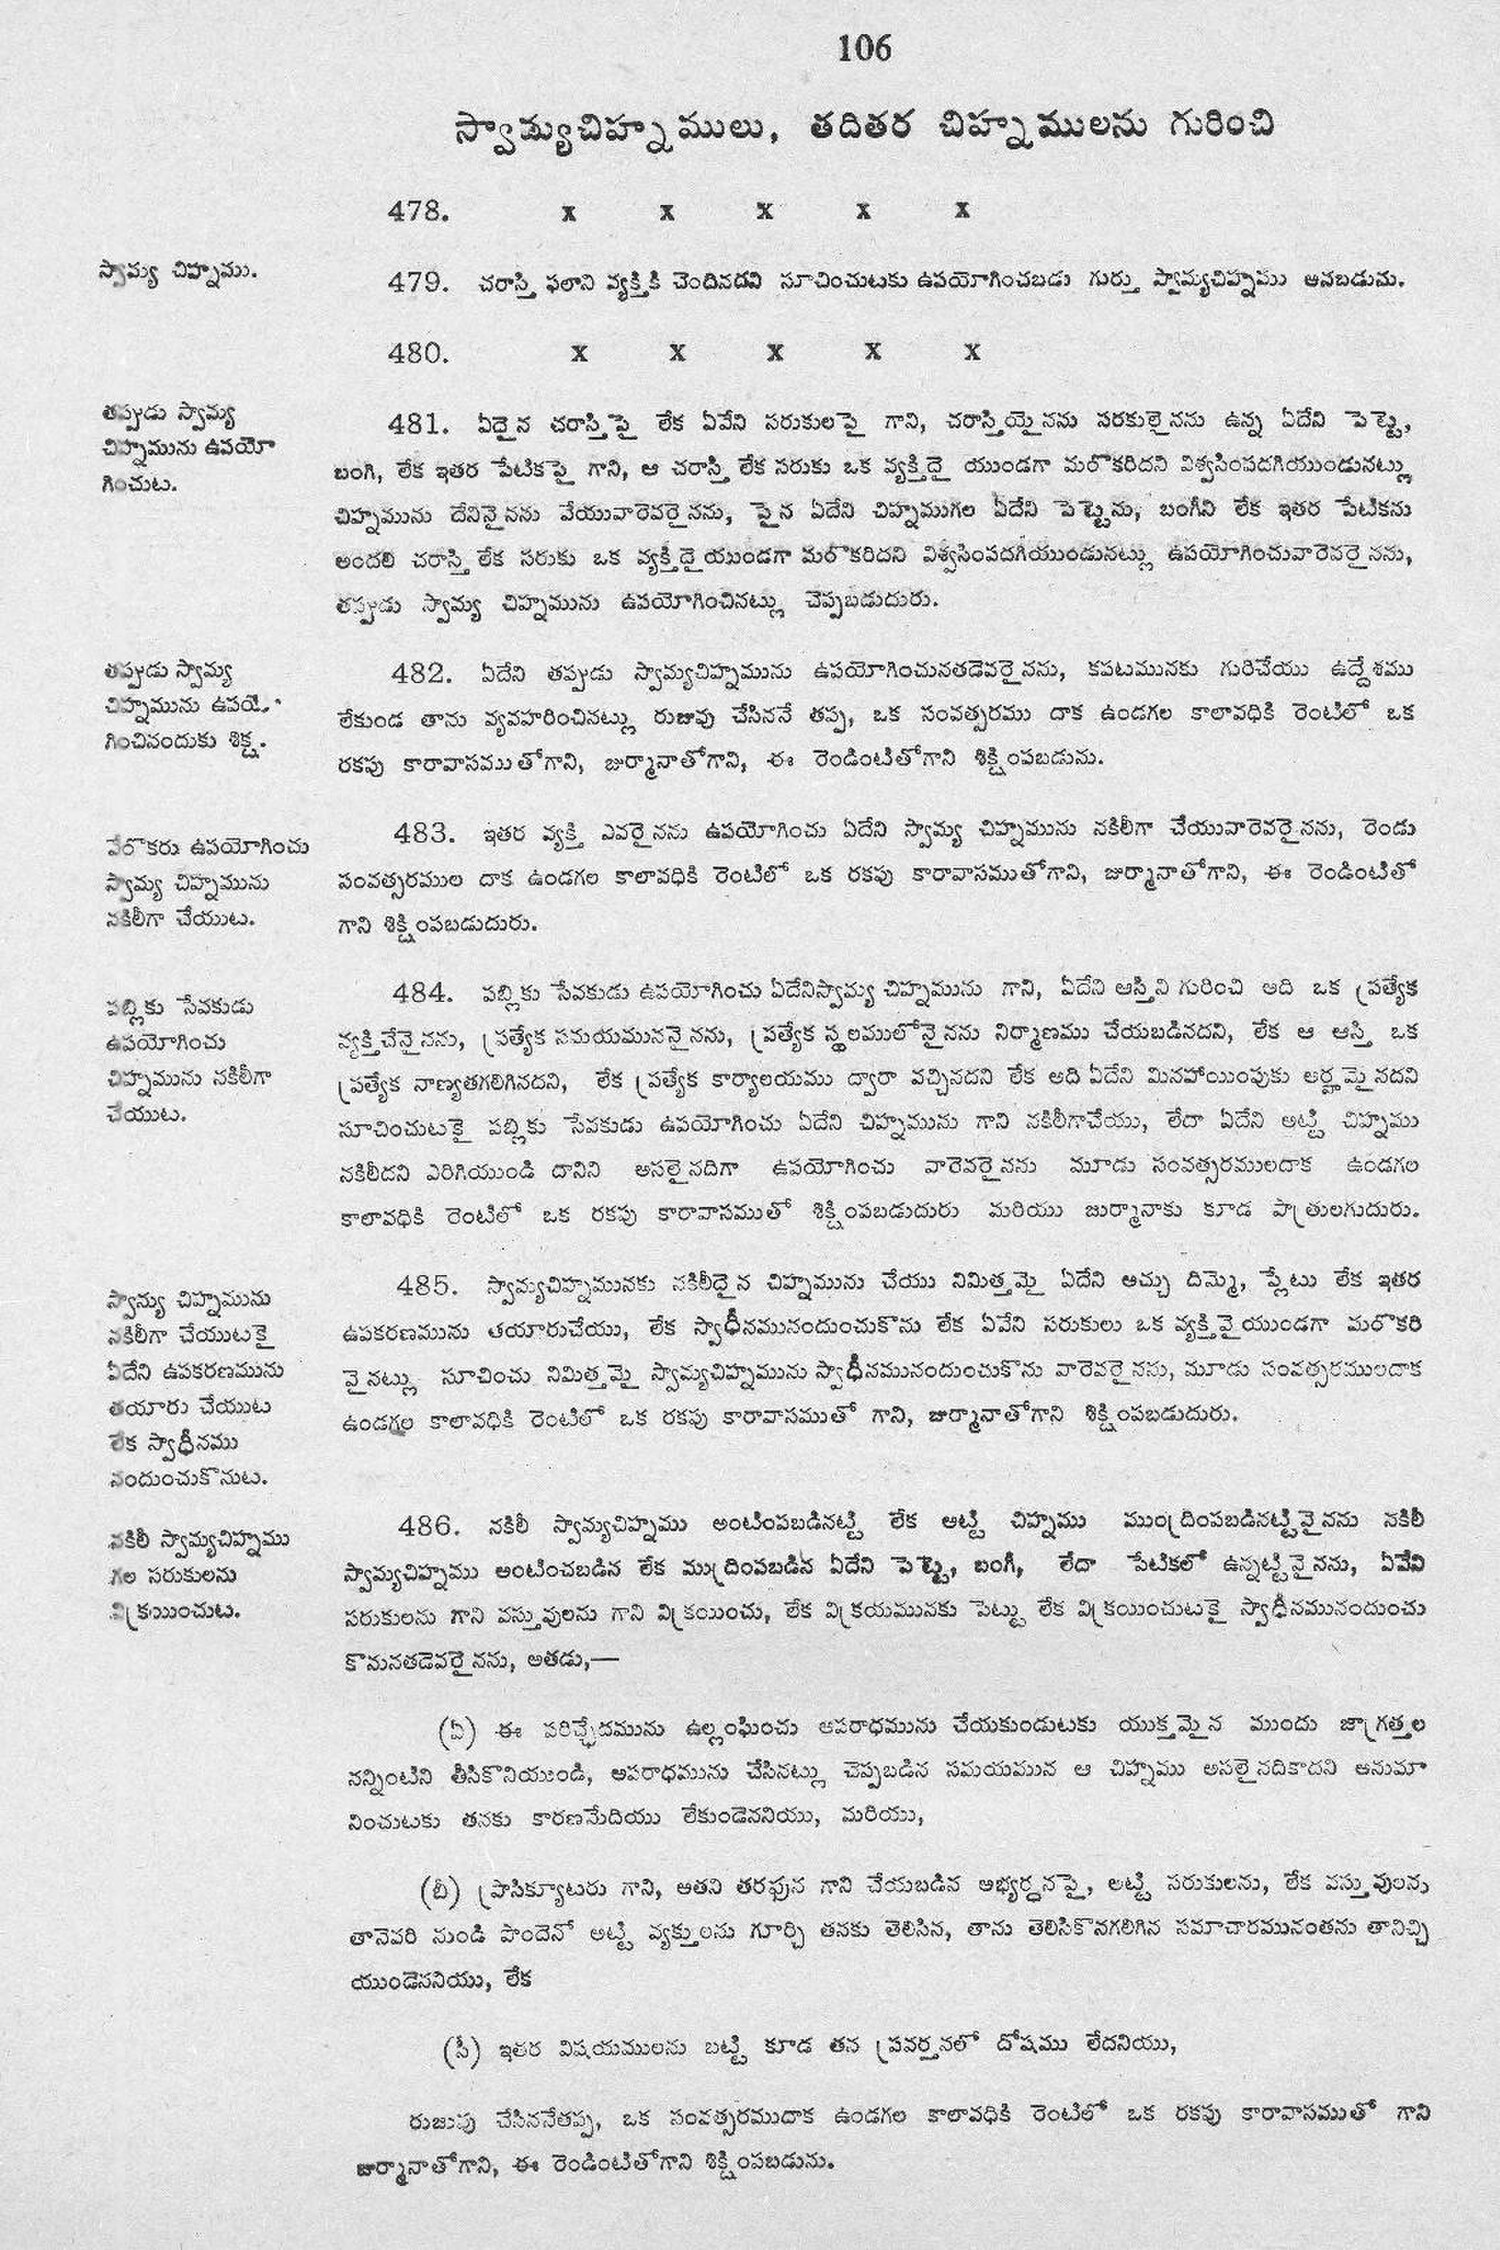478. X X X X X

స్వామ్య చిహ్నము.

479. చరాస్తి ఫలాని వ్యక్తి కి చెందినదని సూచించుటకు ఉపయోగించబడు గుర్తు స్వామ్యచిహ్నము అనబడును.

480. X X X X X X X

తప్పుడు స్వామ్య చిహ్నమును ఉపయోగించుట.

481. ఏదైన చరాస్తి పై లేక ఏవేని సరుకుల పై గాని, చరాస్తి యై నను సరకులైనను ఉన్న ఏదేని పెట్టె, బంగి, లేక ఇతర పేటిక పై గాని, ఆ చరాస్తి లేక సరుకు ఒక వ్యక్తి దై యుండగా మరొకరిదని విశ్వసింపదగియుండునట్లు చిహ్నమును దేనినై నను వేయువారెవరైనను, పైన ఏదేని చిహ్నముగల ఏదేని పెట్టెను, బంగీని లేక ఇతర పేటికను అందలి చరాస్తి లేక సరుకు ఒక వ్యక్తి దైయుండగా మరొకరిదని విశ్వసింపదగియుండునట్లు ఉపయోగించువారెవరైనను, తప్పుడు స్వామ్య చిహ్నమును ఉపయోగించినట్లు చెప్పబడుదురు.

తప్పుడు స్వామ్య చిహ్నమును ఉపయొగించినందుకు శిక్ష.

482. ఏదేని తప్పుడు స్వామ్యచిహ్నమును ఉపయోగించునతడెవరైనను, కపటమునకు గురిచేయు ఉద్దేశము లేకుండ తాను వ్యవహరించినట్లు రుజువు చేసిననే తప్ప, ఒక సంవత్సరము దాక ఉండగల కాలావధికి రెంటిలో ఒక రకపు కారావాసము తో గాని, జుర్మానాతోగాని, ఈ రెండింటితో గాని శిక్షింపబడును.

వేరొకరు ఉపయోగించు స్వామ్య చిహ్నమును నకిలీగా చేయుట.

483. ఇతర వ్యక్తి ఎవరైనను ఉపయోగించు ఏదేని స్వామ్య చిహ్నమును నకిలీగా చేయువారెవరైనను, రెండు సంవత్సరముల దాక ఉండగల కాలావధికి రెంటిలో ఒక రకపు కారావాసముతోగాని, జుర్మానాతోగాని, ఈ రెండింటితో గాని శిక్షింపబడుదురు.

పబ్లికు సేవకుడు ఉపయోగించు చిహ్నమును నకిలీగా చేయుట.

484. పబ్లికు సేవకుడు ఉపయోగించు ఏదేనిస్వామ్య చిహ్నమును గాని, ఏదేని ఆస్తి ని గురించి అది ఒక ప్రత్యేక వ్యక్తి చేనై నను, ప్రత్యేక సమయముననైనను, ప్రత్యేక స్థలములోనై నను నిర్మాణము చేయబడినదని, లేక ఆ ఆస్తి ఒక ప్రత్యేక నాణ్యతగలిగినదని, లేక ప్రత్యేక కార్యాలయము ద్వారా వచ్చినదని లేక అది ఏదేని మినహాయింపుకు అర్హమై నదని సూచించుటకై పబ్లికు సేవకుడు ఉపయోగించు ఏదేని చిహ్నమును గాని నకిలీగాచేయు, లేదా ఏదేని అట్టి చిహ్నము నకిలీదని ఎరిగియుండి దానిని అసలైనదిగా ఉపయోగించు వారెవరైనను మూడు సంవత్సరములదాక ఉండగల కాలావధికి రెంటిలో ఒక రకపు కారావాసముతో శిక్షింపబడుదురు మరియు జుర్మానాకు కూడ పాత్రులగుదురు.

స్వాన్యు చిహ్నమును నకిలీగా చేయుటకై ఏదేని ఉపకరణమును తయారు చేయుట లేక స్వాధీనము నందుంచుకొనుట.

485. స్వామ్యచిహ్నమునకు నకిలీ దైన చిహ్నమును చేయు నిమిత్త మై ఏదేని అచ్చు దిమ్మె, ప్లేటు లేక ఇతర ఉపకరణమును తయారుచేయు, లేక స్వాధీనమునందుంచుకొను లేక ఏవేని సరుకులు ఒక వ్యక్తి వై యుండగా మరొకరి వైనట్లు సూచించు నిమిత్తమై స్వామ్యచిహ్నమును స్వాధీనమునందుంచుకొను వారెవరై నను, మూడు సంవత్సరములదాక ఉండగల కాలావధికి రెంటిలో ఒక రకపు కారావాసముతో గాని, జుర్మానాతోగాని శిక్షింపబడుదురు.

నకిలీ స్వామ్యచిహ్నము గల సరుకులను విక్రయించుట.

486. నకిలీ స్వామ్యచిహ్నము అంటింపబడినట్టి లేక అట్టి చిహ్నము ముద్రింపబడినట్టి నైనను నకిలీ స్వామ్యచిహ్నము అంటించబడిన లేక ముద్రింపబడిన ఏదేని పెట్టె, బంగీ, లేదా పేటికలో ఉన్నట్టి వైనను, ఏవేని సరుకులను గాని వస్తువులను గాని విక్రయించు, లేక విక్రయమునకు పెట్టు లేక విక్రయించుటకై స్వాధీనమునందుంచు కొనునతడెవరైనను, అతడు,-

(ఏ) ఈ పరిచ్ఛేదమును ఉల్లంఘించు అపరాధమును చేయకుండుటకు యుక్తమైన ముందు జాగ్రత్తల నన్నింటిని తీసికొనియుండి, అపరాధమును చేసినట్లు చెప్పబడిన సమయమున ఆ చిహ్నము అసలైనది కాదని అనుమానించుటకు తనకు కారణమేదియు లేకుండెననియు, మరియు,

(బి) ప్రాసిక్యూటరు గాని, అతని తరఫున గాని చేయబడిన అభ్యర్ధన పై , అట్టి సరుకులను, లేక వస్తువులను తానెవరి నుండి పొందెనో అట్టి వ్యక్తులను గూర్చి తనకు తెలిసిన, తాను తెలిసికొనగలిగిన సమాచారమునంతను తానిచ్చి యుండెననియు, లేక

(సీ) ఇతర విషయములను బట్టి కూడ తన ప్రవర్తనలో దోషము లేదనియు,

రుజువు చేసిననేతప్ప, ఒక సంవత్సరముదాక ఉండగల కాలావధికి రెంటిలో ఒక రకపు కారావాసముతో గాని జుర్మానాతోగాని, ఈ రెండింటితోగాని శిక్షింపబడును.